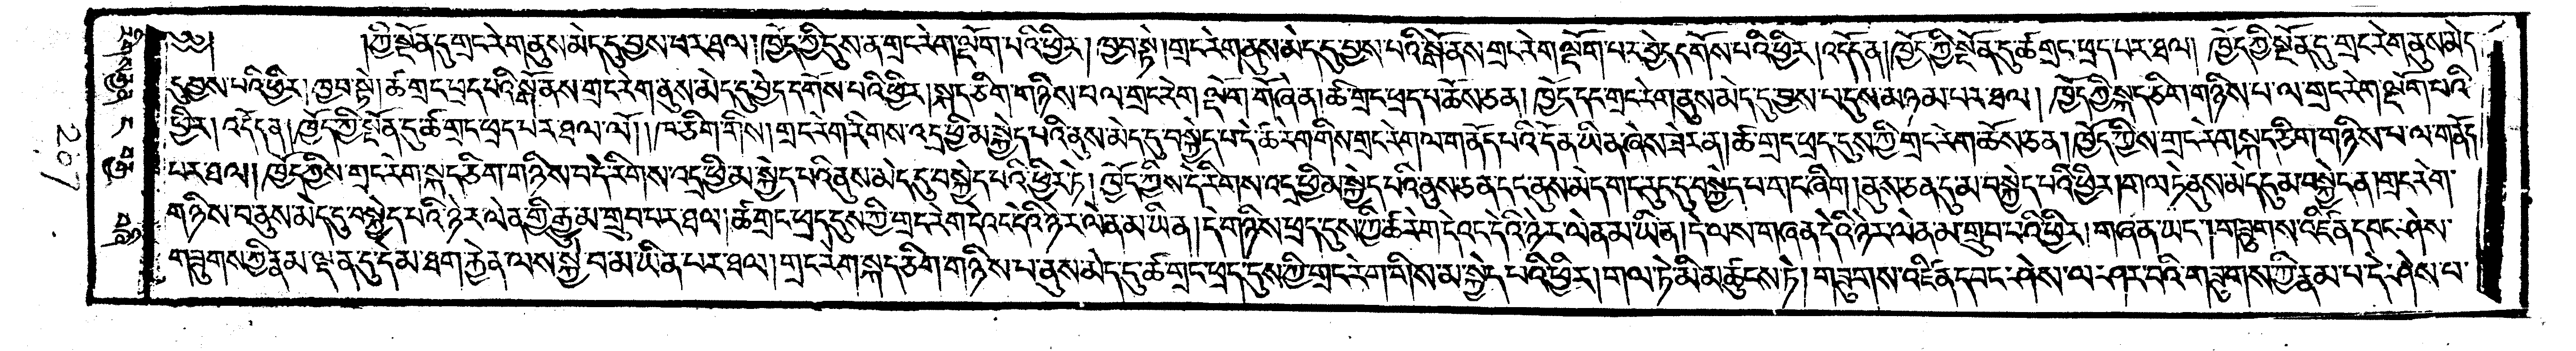༄༅། །ཀྱི་སྔོན་དུ་གྲང་རེག་ནུས་མེད་དུ་བྱས་པར་ཐལ། ཁྱོད་ཀྱི་དུས་ན་གྲང་རེག་ལྡོག་པའི་ཕྱིར། ཁྱབ་སྟེ། གྲང་རེག་ནུས་མེད་དུ་བྱས་པའི་སྒོ་ནས་གྲང་རེག་ལྡོག་པར་བྱེད་དགོས་པའི་ཕྱིར། འདོད་ན། ཁྱོད་ཀྱི་སྔོན་དུ་ཆ་གྲང་ཕྲད་པར་ཐལ། ཁྱོད་ཀྱི་སྔོན་དུ་གྲང་རེག་ནུས་མེད་
དུ་བྱས་པའི་ཕྱིར། ཁྱབ་སྟེ། ཚ་གྲང་ཕྲད་པའི་སྒོ་ནས་གྲང་རེག་ནུས་མེད་དུ་བྱེད་དགོས་པའི་ཕྱིར། སྐད་ཅིག་གཉིས་པ་ལ་གྲང་རེག་ལྡོག་གོ་ཞེ་ན། ཚ་གྲང་ཕྲད་པ་ཆོས་ཅན། ཁྱོད་དང་གྲང་རེག་ནུས་མེད་དུ་བྱས་པ་དུས་མཉམ་པར་ཐལ། ཁྱོད་ཀྱི་སྐད་ཅིག་གཉིས་པ་ལ་གྲང་རེག་ལྡོག་པའི་
ཕྱིར། འདོད་ན། ཁྱོད་ཀྱི་སྔོན་དུ་ཚ་གྲང་ཕྲད་པར་ཐལ་ལོ། །ཁ་ཅིག་གིས། གྲང་རེག་རིགས་འདྲ་ཕྱི་མ་སྐྱེད་པའི་ནུས་མེད་དུ་བསྐྱེད་པ་དེ་ཚ་རེག་གིས་གྲང་རེག་ལ་གནོད་པའི་དོན་ཡིན་ཞེས་ཟེར་ན། ཚ་གྲང་ཕྲད་དུས་ཀྱི་གྲང་རེག་ཆོས་ཅན། ཁྱོད་ཀྱིས་གྲང་རེག་སྐད་ཅིག་གཉིས་པ་ལ་གནོད་
པར་ཐལ། ཁྱོད་ཀྱིས་གྲང་རེག་སྐད་ཅིག་གཉིས་པ་དེ་རིགས་འདྲ་ཕྱི་མ་སྐྱེད་པའི་ནུས་མེད་དུ་བསྐྱེད་པའི་ཕྱིར་ཏེ། ཁྱོད་ཀྱིས་དེ་རིགས་འདྲ་ཕྱི་མ་སྐྱེད་པའི་ནུས་ཅན་དང་ནུས་མེད་གང་རུང་དུ་བསྐྱེད་པ་གང་ཞིག །ནུས་ཅན་དུ་མ་བསྐྱེད་པའི་ཕྱིར། གལ་ཏེ་ནུས་མེད་དུ་མ་བསྐྱེད་ན། གྲང་རེག་
གཉིས་པ་ནུས་མེད་དུ་བསྐྱེད་པའི་ཉེར་ལེན་གྱི་རྒྱུ་མ་གྲུབ་པར་ཐལ། ཚ་གྲང་ཕྲད་དུས་ཀྱི་གྲང་རེག་དེའང་དེའི་ཉེར་ལེན་མ་ཡིན། དེ་གཉིས་ཕྲད་དུས་ཀྱི་ཚ་རེག་དེའང་དེའི་ཉེར་ལེན་མ་ཡིན། དེ་ལས་གཞན་དེའི་ཉེར་ལེན་མ་གྲུབ་པའི་ཕྱིར། གཞན་ཡང་། གཟུགས་འཛིན་དབང་ཤེས་
གཟུགས་ཀྱི་རྣམ་ལྡན་དུ་དེ་མ་ཐག་རྐྱེན་ལས་སྐྱེ་བ་མ་ཡིན་པར་ཐལ། གྲང་རེག་སྐད་ཅིག་གཉིས་པ་ནུས་མེད་དུ་ཚ་གྲང་ཕྲད་དུས་ཀྱི་གྲང་རེག་གིས་མ་སྐྱེད་པའི་ཕྱིར། གལ་ཏེ་མི་མཚུངས་ཏེ། གཟུགས་འཛིན་དབང་ཤེས་ལ་ཤར་བའི་གཟུགས་ཀྱི་རྣམ་པ་དེ་ཤེས་པ་